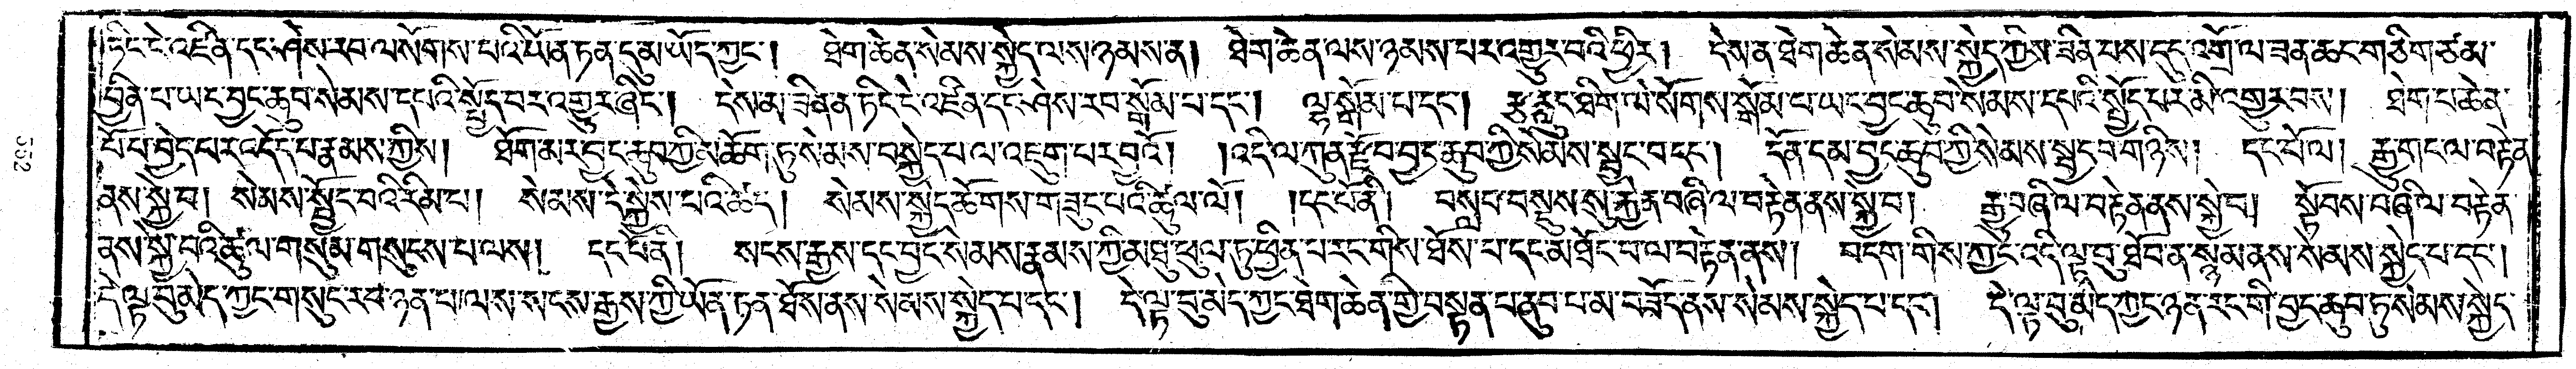ཏིང་ངེ་འཛིན་དང་ཤེས་རབ་ལ་སོགས་པའི་ཡོན་ཏན་དུ་མ་ཡོད་ཀྱང་། ཐེག་ཆེན་སེམས་སྐྱེད་ལས་ཉམས་ན། ཐེག་ཆེན་ལས་ཉམས་པར་འགྱུར་བའི་ཕྱིར། དེས་ན་ཐེག་ཆེན་སེམས་སྐྱེད་ཀྱིས་ཟིན་པས་དུད་འགྲོ་ལ་ཟན་ཆང་གཅིག་ཙམ་
བྱིན་པ་ཡང་བྱང་ཆུབ་སེམས་དཔའི་སྤྱོད་བར་འགྱུར་ཞིང་། དེས་ན་ཟིན་ན་ཏིང་ངེ་འཛིན་དང་ཤེས་རབ་སྒོམ་པ་དང་། ལྷ་སྒོམ་པ་དང་། རྩ་རླུང་ཐིག་ལེ་སོགས་སྒོམ་པ་ཡང་བྱང་ཆུབ་སེམས་དཔའི་སྤྱོད་པར་མི་འགྱུར་བས། ཐེག་པ་ཆེན་
པོ་པ་བྱེད་པར་འདོད་པ་རྣམས་ཀྱིས། ཐོག་མར་བྱང་ཆུབ་ཀྱི་མཆོག་ཏུ་སེམས་བསྐྱེད་པ་ལ་འཇུག་པར་བྱའོ། །འདི་ལ་ཀུན་རྫོབ་བྱང་ཆུབ་ཀྱི་སེམས་སྦྱང་བ་དང་། དོན་དམ་བྱང་ཆུབ་ཀྱི་སེམས་སྦྱང་བ་གཉིས། དང་པོ་ལ། རྒྱུ་གང་ལ་བརྟེན་
ནས་སྐྱེ་བ། སེམས་སྦྱོང་བའི་རིམ་པ། སེམས་དེ་སྐྱེས་པའི་ཚད། སེམས་སྐྱེད་ཆོགས་གཟུང་པའི་ཚུལ་ལོ། །དང་པོ་ནི། བསླབ་བསྡུས་སུ་རྐྱེན་བཞི་ལ་བརྟེན་ནས་སྐྱེ་བ། རྒྱུ་བཞི་ལ་བརྟེན་ནས་སྐྱེ་བ། སྟོབས་བཞི་ལ་བརྟེན་
ནས་སྐྱེ་བའི་ཚུལ་གསུམ་གསུངས་པ་ལས། དང་པོ་ནི། སངས་རྒྱས་དང་བྱང་སེམས་རྣམས་ཀྱི་མཐུ་ཕུལ་ཏུ་ཕྱིན་པ་རང་གིས་ཐོས་པ་དང་མཐོང་པ་ལ་བརྟེན་ནས། བདག་གིས་ཀྱང་འདི་ལྟ་བུ་ཐོབ་ན་སྙམ་ནས་སེམས་སྐྱེད་པ་དང་།
དེ་ལྟ་བུ་མེད་ཀྱང་གསུང་རབ་ཉན་པ་ལས་སངས་རྒྱས་ཀྱི་ཡོན་ཏན་ཐོས་ནས་སེམས་སྐྱེད་པ་དང་། དེ་ལྟ་བུ་མེད་ཀྱང་ཐེག་ཆེན་གྱི་བསྟན་པ་ནུབ་པ་མ་བཟོད་ནས་སེམས་སྐྱེད་པ་དང་། དེ་ལྟ་བུ་མེད་ཀྱང་ཉན་རང་གི་བྱང་ཆུབ་ཏུ་སེམས་སྐྱེད་